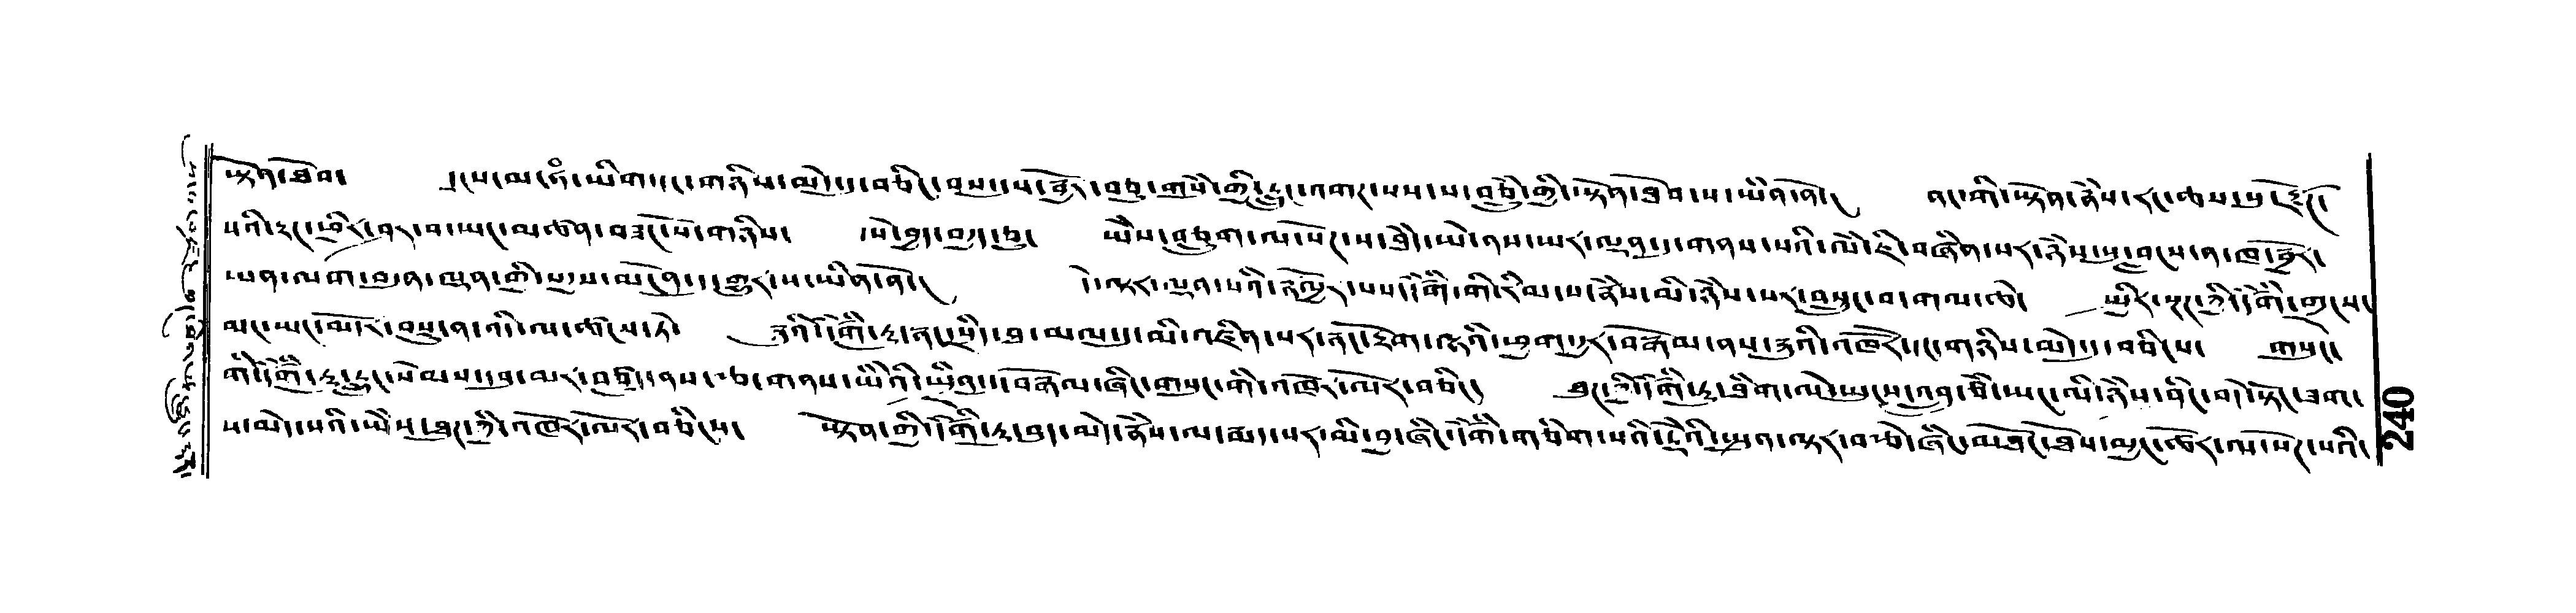ཡོན་ཏན་ཐོབ། དྭངས་མ་ཧཾ་ཡིག་དང་གཉིས་མེད་དུ་བཅིངས་བས་དུས་སྦྱོར་བཅུ་གསུམ་གྱི་རླུང་འགགས་པས་ས་བཅུ་གསུམ་གྱི་ཡོན་ཏན་ཐོབ་པ་ཡིན་ནོ། ནང་གི་ཡོན་ཏན་རྣམས་རང་ཆས་སུ་རྫོགས་
པའི་རྟགས་ཕྱིར་ཤར་བ་ཡང་མཚན་བཟང་སོ་གཉིས། དཔེ་བྱད་བརྒྱད་ཅུ། ཡེ་ཤེས་བཅུ་དྲུག་ལ་སོགས་པ་ཐམས་ཅད་ཡེ་ནས་ཡར་ལྡན་དུ་གནས་པའི་ལམ་ཇི་བཞིན་པར་ཉམས་སུ་བླངས་ན་ཁ་སྦྱོར་
ཡན་ལག་བདུན་ལྡན་གྱི་སངས་རྒྱས་མངོན་དུ་གྱུར་པ་ཡིན་ནོ། དེ་ལྟར་ལྡན་པའི་རྣལ་འབྱོར་པས་དམ་ཚིག་གི་རིམ་པ་རྣམས་མི་ཉམས་པར་བསྲུང་བ་གལ་ཆེ། སྤྱིར་སྔགས་ཀྱི་དམ་ཚིག་གྲངས་
མང་ཡང་མདོར་བསྡུ་ན་འདི་ལ་ཚང་སྟེ། སྐུའི་དམ་ཚིག་ཏུ་སྣང་སྲིད་ཐ་མལ་དུ་མི་འཛིན་པར་སྣང་རྟོག་ལྷའི་ཕྱག་རྒྱར་བསྒོམ་ནས་སྐུའི་འཁོར་ལོ་དང་གཉིས་མེད་དུ་བཅིང་། གསུང་
གི་དམ་ཚིག་ཏུ་རླུང་སེམས་དབུ་མར་བཙུད་ནས་རྩ་གནས་ཡི་གེའི་སྤྲིན་དུ་བསྒོམ་ཞིང་གསུང་གི་འཁོར་ལོར་བཅིང་། ཐུགས་ཀྱི་དམ་ཚིག་ཏུ་ཐིག་ལེ་ཡུངས་འབྲུ་ཙམ་ཡང་མི་ཉམས་ཤིང་བདེ་སྟོང་ཟག་
པ་མེད་པའི་ཡེ་ཤེས་ཐུགས་ཀྱི་འཁོར་ལོར་བཅིང་། ཡོན་ཏན་གྱི་དམ་ཚིག་ཏུ་བུད་མེད་རྣམས་ལ་སྨད་པར་མི་བྱ་ཞིང་དམ་ཚིག་གཅིག་པའི་རྡོ་རྗེའི་སྤུན་ལྟར་བརྩེ་ཞིང་མཐོང་ཐོས་མྱོང་ཚོར་ལ་སོགས་པའི་